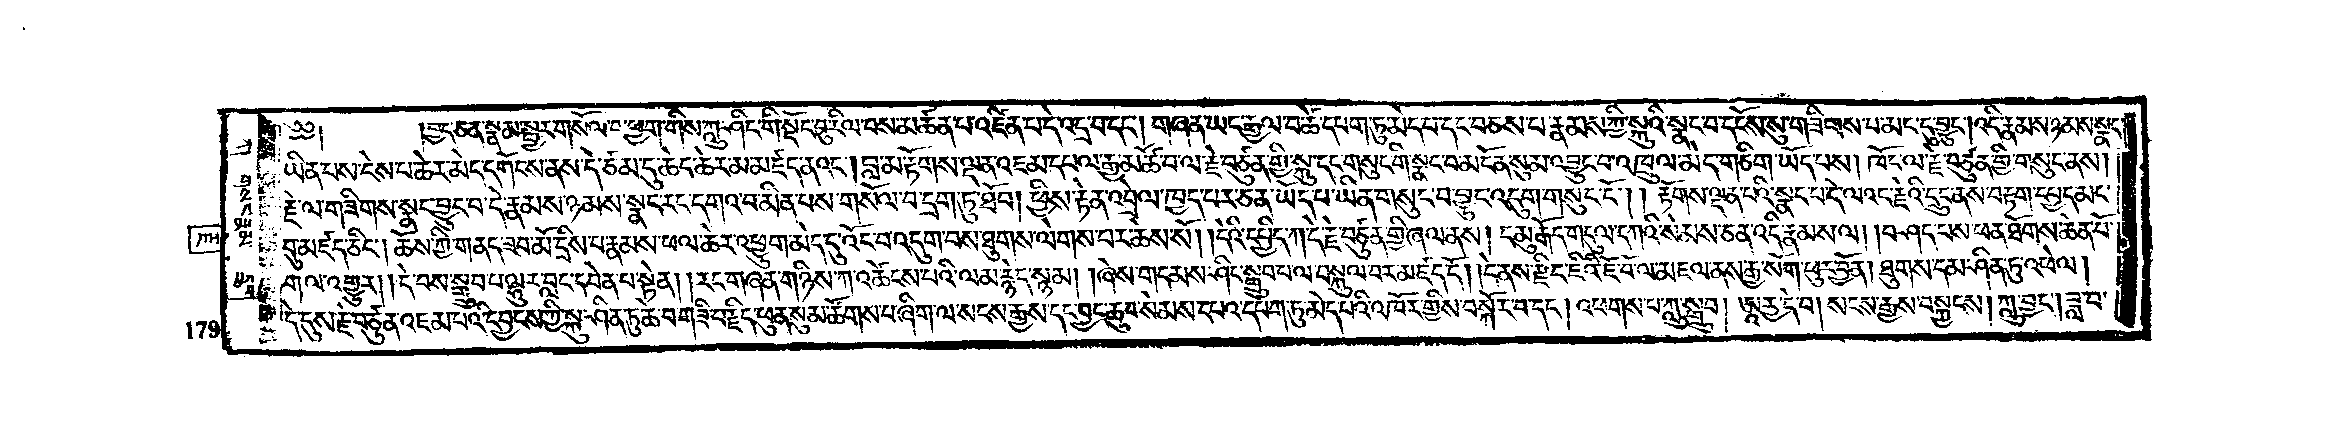༄༅། །བྱད་ཅན་སྣམ་སྦྱར་གསོལ་བ་ཕྱག་གིས་ཀླུ་ཤིང་གི་སྡོང་བུ་རིལ་བས་མཚན་པ་འཛིན་པ་དེ་འདྲ་བ་དང་། གཞན་ཡང་རྒྱལ་བ་ཚེ་དཔག་ཏུ་མེད་པ་དང་བཅས་པ་རྣམས་ཀྱི་སྐུའི་སྣང་བ་དངོས་སུ་གཟིགས་པ་མང་དུ་བྱུང་། འདི་རྣམས་ཉམས་སྣང་
ཡིན་པས་ངེས་པ་ཆེར་མེད་དགོངས་ནས་དེ་ཙམ་དུ་ཆེད་ཆེར་མ་མཛད་ནའང་། བླ་མ་རྟོགས་ལྡན་འཇམ་དཔལ་རྒྱ་མཚོ་བ་ལ་རྗེ་བཙུན་གྱི་སྐུ་དང་གསུང་གི་སྣང་བ་མངོན་སུམ་འབྱུང་བ་འཁྲུལ་མེད་གཅིག་ཡོད་པས། ཁོང་ལ་རྗེ་བཙུན་གྱི་གསུང་ནས།
རྗེ་ལ་གཟིགས་སྣང་བྱུང་བ་དེ་རྣམས་ཉམས་སྣང་རང་དགའ་བ་མིན་པས་གསོལ་བ་དྲག་ཏུ་ཐོབ། ཕྱིས་རྟེན་འབྲེལ་ཁྱད་པར་ཅན་ཡོད་པ་ཡིན་གསུང་བ་བྱུང་འདུག་གསུང་ངོ། །རྟོགས་ལྡན་པའི་སྣང་པ་དེ་ལའང་རྗེའི་དྲུང་ནས་བརྟག་དཔྱད་མང་
བུ་མཛད་ཅིང་། ཆོས་ཀྱི་གནད་ཟབ་མོ་དྲིས་པ་རྣམས་ཕལ་ཆེར་འཕྱུག་མེད་དུ་འོང་བ་འདུག་བས་ཐུགས་ལེགས་པར་ཆེས་སོ། །དེའི་དཔྱིད་ཀ་དེ་རྗེ་བཙུན་གྱི་ཞལ་ནས། དམུ་རྒོད་གདུལ་དཀའི་སེམས་ཅན་འདི་རྣམས་ལ། །བཤད་པས་ཕན་ཐོགས་ཆེན་པོ་
གལ་འགྱུར། །དེ་བས་སྒྲུབ་པ་ལྷུར་བླང་དབེན་པ་སྟེན། །རང་གཞན་གཉིས་ཀ་འཚེངས་པའི་ལམ་རྙེད་སྙམ། །ཞེས་གདམས་ཤིང་སྒྲུབ་པ་ལ་བསྐུལ་བར་མཛད་དོ། །དེ་ནས་རྫིང་ཇིའི་ཇོ་བོ་ལ་མཇལ་ནས་རྒྱ་སོགས་ཕུར་བྱོན། ཐུགས་དམ་ཤིན་ཏུ་འཕེལ།
དེ་དུས་རྗེ་བཙུན་འཇམ་པའི་དབྱངས་ཀྱི་སྐུ་ཤིན་ཏུ་ཆེ་བ་གཞི་བརྗིད་ཕུན་སུམ་ཚོགས་པ་ཞིག་ལ་སངས་རྒྱས་དང་བྱང་ཆུབ་སེམས་དཔའ་དཔག་ཏུ་མེད་པའི་འཁོར་གྱིས་བསྐོར་བ་དང་། འཕགས་པ་ཀླུ་སྒྲུབ། ཨའྲྱ་དེ་བ། སངས་རྒྱས་བསྐྱངས། ཀླུ་བྱང་། ཟླ་བ་